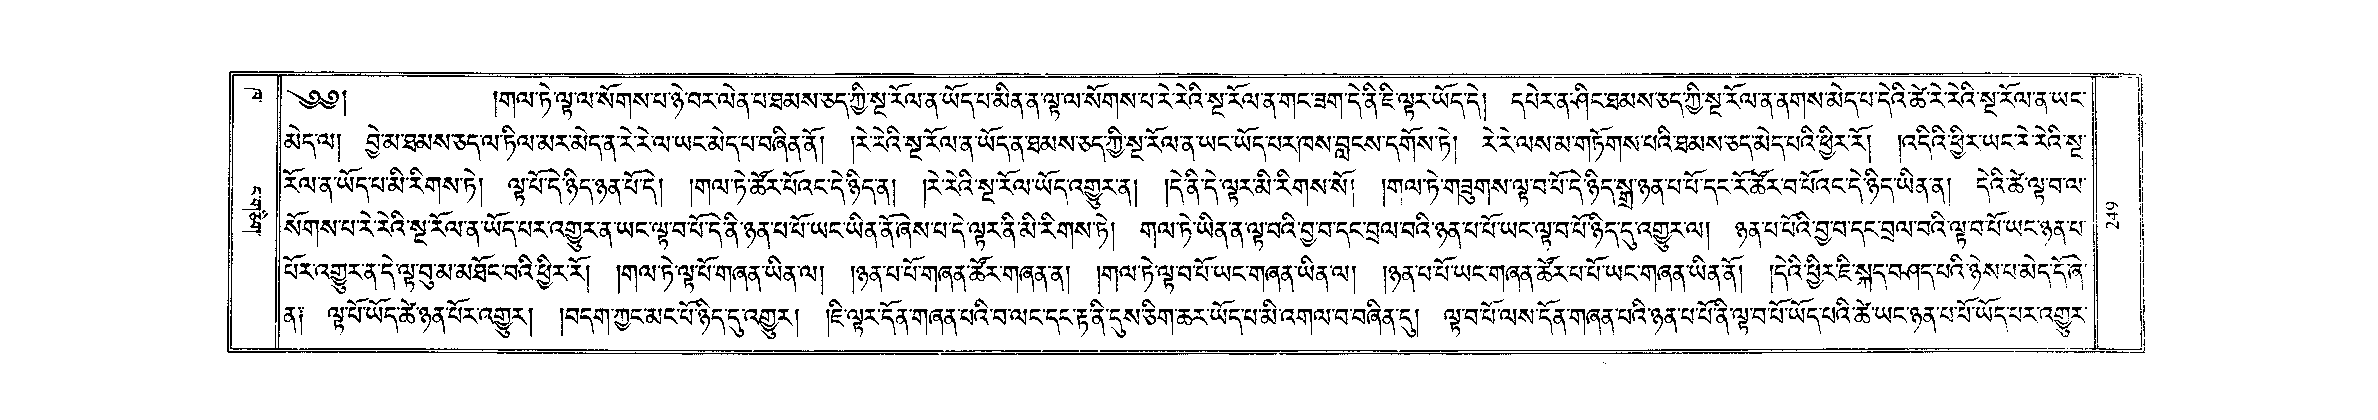༄༅། །གལ་ཏེ་ལྟ་ལ་སོགས་པ་ཉེ་བར་ལེན་པ་ཐམས་ཅད་ཀྱི་སྔ་རོལ་ན་ཡོད་པ་མིན་ན་ལྟ་ལ་སོགས་པ་རེ་རེའི་སྔ་རོལ་ན་གང་ཟག་དེ་ནི་ཇི་ལྟར་ཡོད་དེ། དཔེར་ན་ཤིང་ཐམས་ཅད་ཀྱི་སྔ་རོལ་ན་ནགས་མེད་པ་དེའི་ཚེ་རེ་རེའི་སྔ་རོལ་ན་ཡང་
མེད་ལ། བྱེ་མ་ཐམས་ཅད་ལ་ཏིལ་མར་མེད་ན་རེ་རེ་ལ་ཡང་མེད་པ་བཞིན་ནོ། །རེ་རེའི་སྔ་རོལ་ན་ཡོད་ན་ཐམས་ཅད་ཀྱི་སྔ་རོལ་ན་ཡང་ཡོད་པར་ཁས་བླངས་དགོས་ཏེ། རེ་རེ་ལས་མ་གཏོགས་པའི་ཐམས་ཅད་མེད་པའི་ཕྱིར་རོ། །འདིའི་ཕྱིར་ཡང་རེ་རེའི་སྔ་
རོལ་ན་ཡོད་པ་མི་རིགས་ཏེ། ལྟ་པོ་དེ་ཉིད་ཉན་པོ་དེ། །གལ་ཏེ་ཚོར་པོའང་དེ་ཉིད་ན། །རེ་རེའི་སྔ་རོལ་ཡོད་འགྱུར་ན། །དེ་ནི་དེ་ལྟར་མི་རིགས་སོ། །གལ་ཏེ་གཟུགས་ལྟ་བ་པོ་དེ་ཉིད་སྒྲ་ཉན་པ་པོ་དང་རོ་ཚོར་བ་པོའང་དེ་ཉིད་ཡིན་ན། དེའི་ཚེ་ལྟ་བ་ལ་
སོགས་པ་རེ་རེའི་སྔ་རོལ་ན་ཡོད་པར་འགྱུར་ན་ཡང་ལྟ་བ་པོ་དེ་ནི་ཉན་པ་པོ་ཡང་ཡིན་ནོ་ཞེས་པ་དེ་ལྟར་ནི་མི་རིགས་ཏེ། གལ་ཏེ་ཡིན་ན་ལྟ་བའི་བྱ་བ་དང་བྲལ་བའི་ཉན་པ་པོ་ཡང་ལྟ་བ་པོ་ཉིད་དུ་འགྱུར་ལ། ཉན་པ་པོའི་བྱ་བ་དང་བྲལ་བའི་ལྟ་བ་པོ་ཡང་ཉན་པ་
པོར་འགྱུར་ན་དེ་ལྟ་བུ་མ་མཐོང་བའི་ཕྱིར་རོ། །གལ་ཏེ་ལྟ་པོ་གཞན་ཡིན་ལ། །ཉན་པ་པོ་གཞན་ཚོར་གཞན་ན། །གལ་ཏེ་ལྟ་བ་པོ་ཡང་གཞན་ཡིན་ལ། །ཉན་པ་པོ་ཡང་གཞན་ཚོར་བ་པོ་ཡང་གཞན་ཡིན་ནོ། །དེའི་ཕྱིར་ཇི་སྐད་བཤད་པའི་ཉེས་པ་མེད་དོ་ཞེ་
ན༑ ལྟ་པོ་ཡོད་ཚེ་ཉན་པོར་འགྱུར། །བདག་ཀྱང་མང་པོ་ཉིད་དུ་འགྱུར། །ཇི་ལྟར་དོན་གཞན་པའི་བ་ལང་དང་རྟ་ནི་དུས་ཅིག་ཆར་ཡོད་པ་མི་འགལ་བ་བཞིན་དུ། ལྟ་བ་པོ་ལས་དོན་གཞན་པའི་ཉན་པ་པོ་ནི་ལྟ་བ་པོ་ཡོད་པའི་ཚེ་ཡང་ཉན་པ་པོ་ཡོད་པར་འགྱུར་